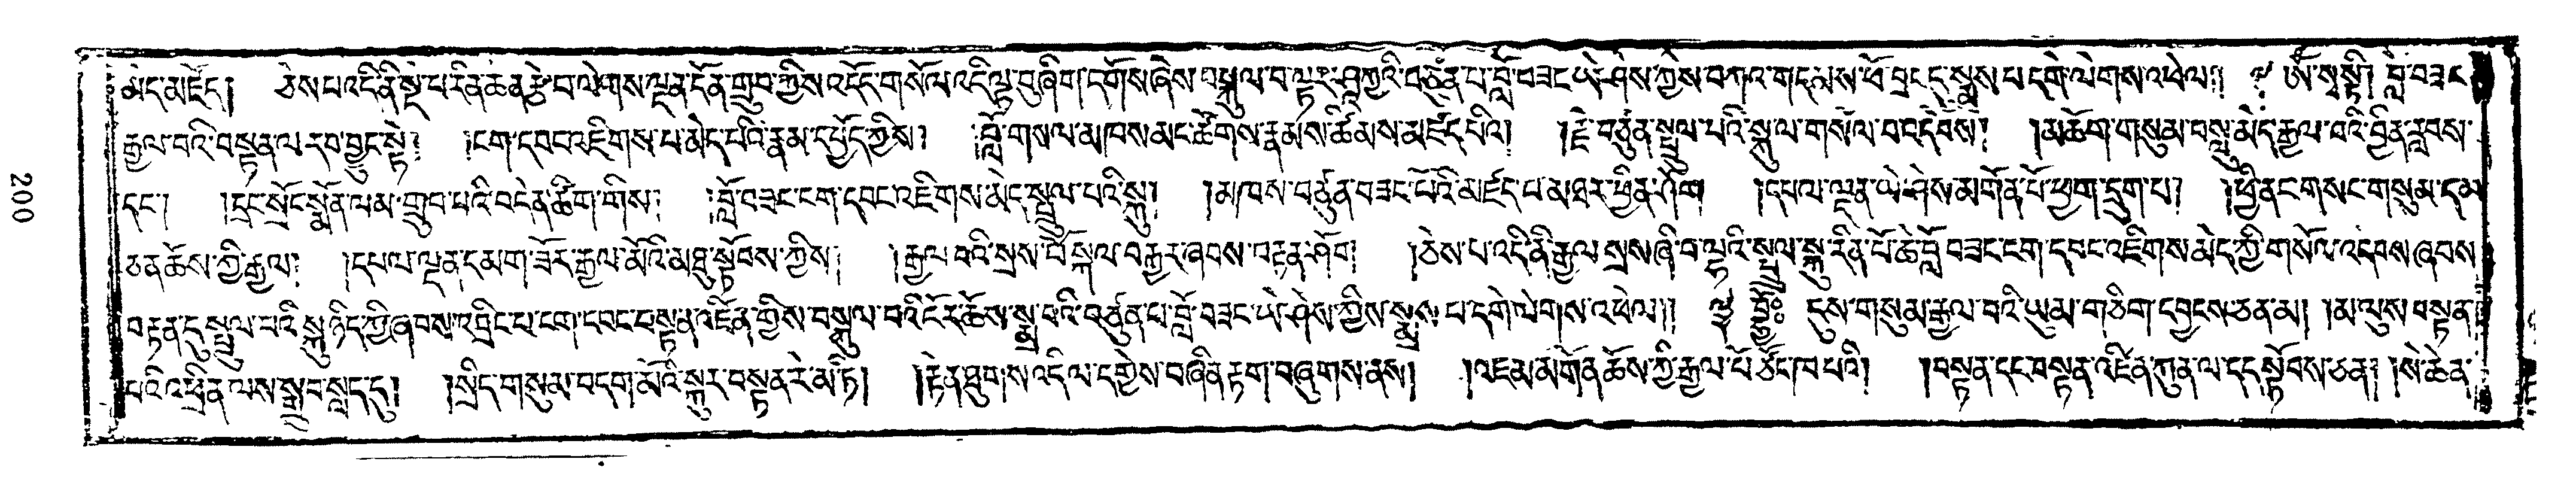མེད་མཛོད། ཅེས་པ་འདི་ནི་སྡེ་པ་རིན་ཆེན་རྩེ་བ་ལེགས་ལྡན་དོན་གྲུབ་ཀྱིས་འདོད་གསོལ་འདི་ལྟ་བུ་ཞིག་དགོས་ཞེས་བསྐུལ་བ་ལྟར་ཤཱཀྱའི་བཙུན་པ་བློ་བཟང་ཡེ་ཤེས་ཀྱིས་བཀའ་གདམས་ཕོ་བྲང་དུ་སྨྲས་པ་དགེ་ལེགས་འཕེལ།། ༈ ཨོཾ་སྭསྟི། བློ་བཟང་
རྒྱལ་བའི་བསྟན་ལ་རབ་བྱུང་སྟེ། །ངག་དབང་འཇིགས་པ་མེད་པའི་རྣམ་དཔྱོད་ཀྱིས། །བློ་གསལ་མཁས་མང་ཚོགས་རྣམས་ཚིམས་མཛད་པའི། །རྗེ་བཙུན་སྤྲུལ་པའི་སྐུ་ལ་གསོལ་བ་འདེབས། །མཆོག་གསུམ་བསླུ་མེད་རྒྱལ་བའི་བྱིན་རླབས་
དང་། །དྲང་སྲོང་སྨོན་ལམ་གྲུབ་པའི་བདེན་ཚིག་གིས། །བློ་བཟང་ངག་དབང་འཇིགས་མེད་སྤྲུལ་པའི་སྐུ། །མཁས་བཙུན་བཟང་པོའི་མཛད་པ་མཐར་ཕྱིན་ཤོག །དཔལ་ལྡན་ཡེ་ཤེས་མགོན་པོ་ཕྱག་དྲུག་པ། །ཕྱི་ནང་གསང་གསུམ་དམ་
ཅན་ཆོས་ཀྱི་རྒྱལ། །དཔལ་ལྡན་དམག་ཟོར་རྒྱལ་མོའི་མཐུ་སྟོབས་ཀྱིས། །རྒྱལ་བའི་སྲས་བོ་སྐལ་བརྒྱར་ཞབས་བརྟན་ཤོག །ཅེས་པ་འདི་ནི་རྒྱལ་སྲས་ཞི་བ་ལྷའི་སྤྲུལ་སྐུ་རིན་པོ་ཆེ་བློ་བཟང་ངག་དབང་འཇིགས་མེད་ཀྱི་གསོལ་འདེབས་ཞབས་
བརྟན་དུ་སྤྲུལ་པའི་སྐུ་ཉིད་ཀྱི་ཞབས་འབྲིང་པ་ངག་དབང་བསྟན་འཛིན་གྱིས་བསྐུལ་བའི་ངོར་ཆོས་སྨྲ་བའི་བཙུན་པ་བློ་བཟང་ཡེ་ཤེས་ཀྱིས་སྨྲས་པ་དགེ་ལེགས་འཕེལ།། ༈ བྷྱཽཿ དུས་གསུམ་རྒྱལ་བའི་ཡུམ་གཅིག་དབྱངས་ཅན་མ། །མ་ལུས་བསྟན་
པའི་འཕྲིན་ལས་སྒྲུབ་སླད་དུ། །སྲིད་གསུམ་བདག་མོའི་སྐུར་བསྟན་རེ་མ་ཏི། །རྟེན་ཐུགས་འདི་ལ་དགྱེས་བཞིན་རྟག་བཞུགས་ནས། །འཇམ་མགོན་ཆོས་ཀྱི་རྒྱལ་པོ་ཙོང་ཁ་པའི། །བསྟན་དང་བསྟན་འཛིན་ཀུན་ལ་དད་སྟོབས་ཅན། །སེ་ཆེས་